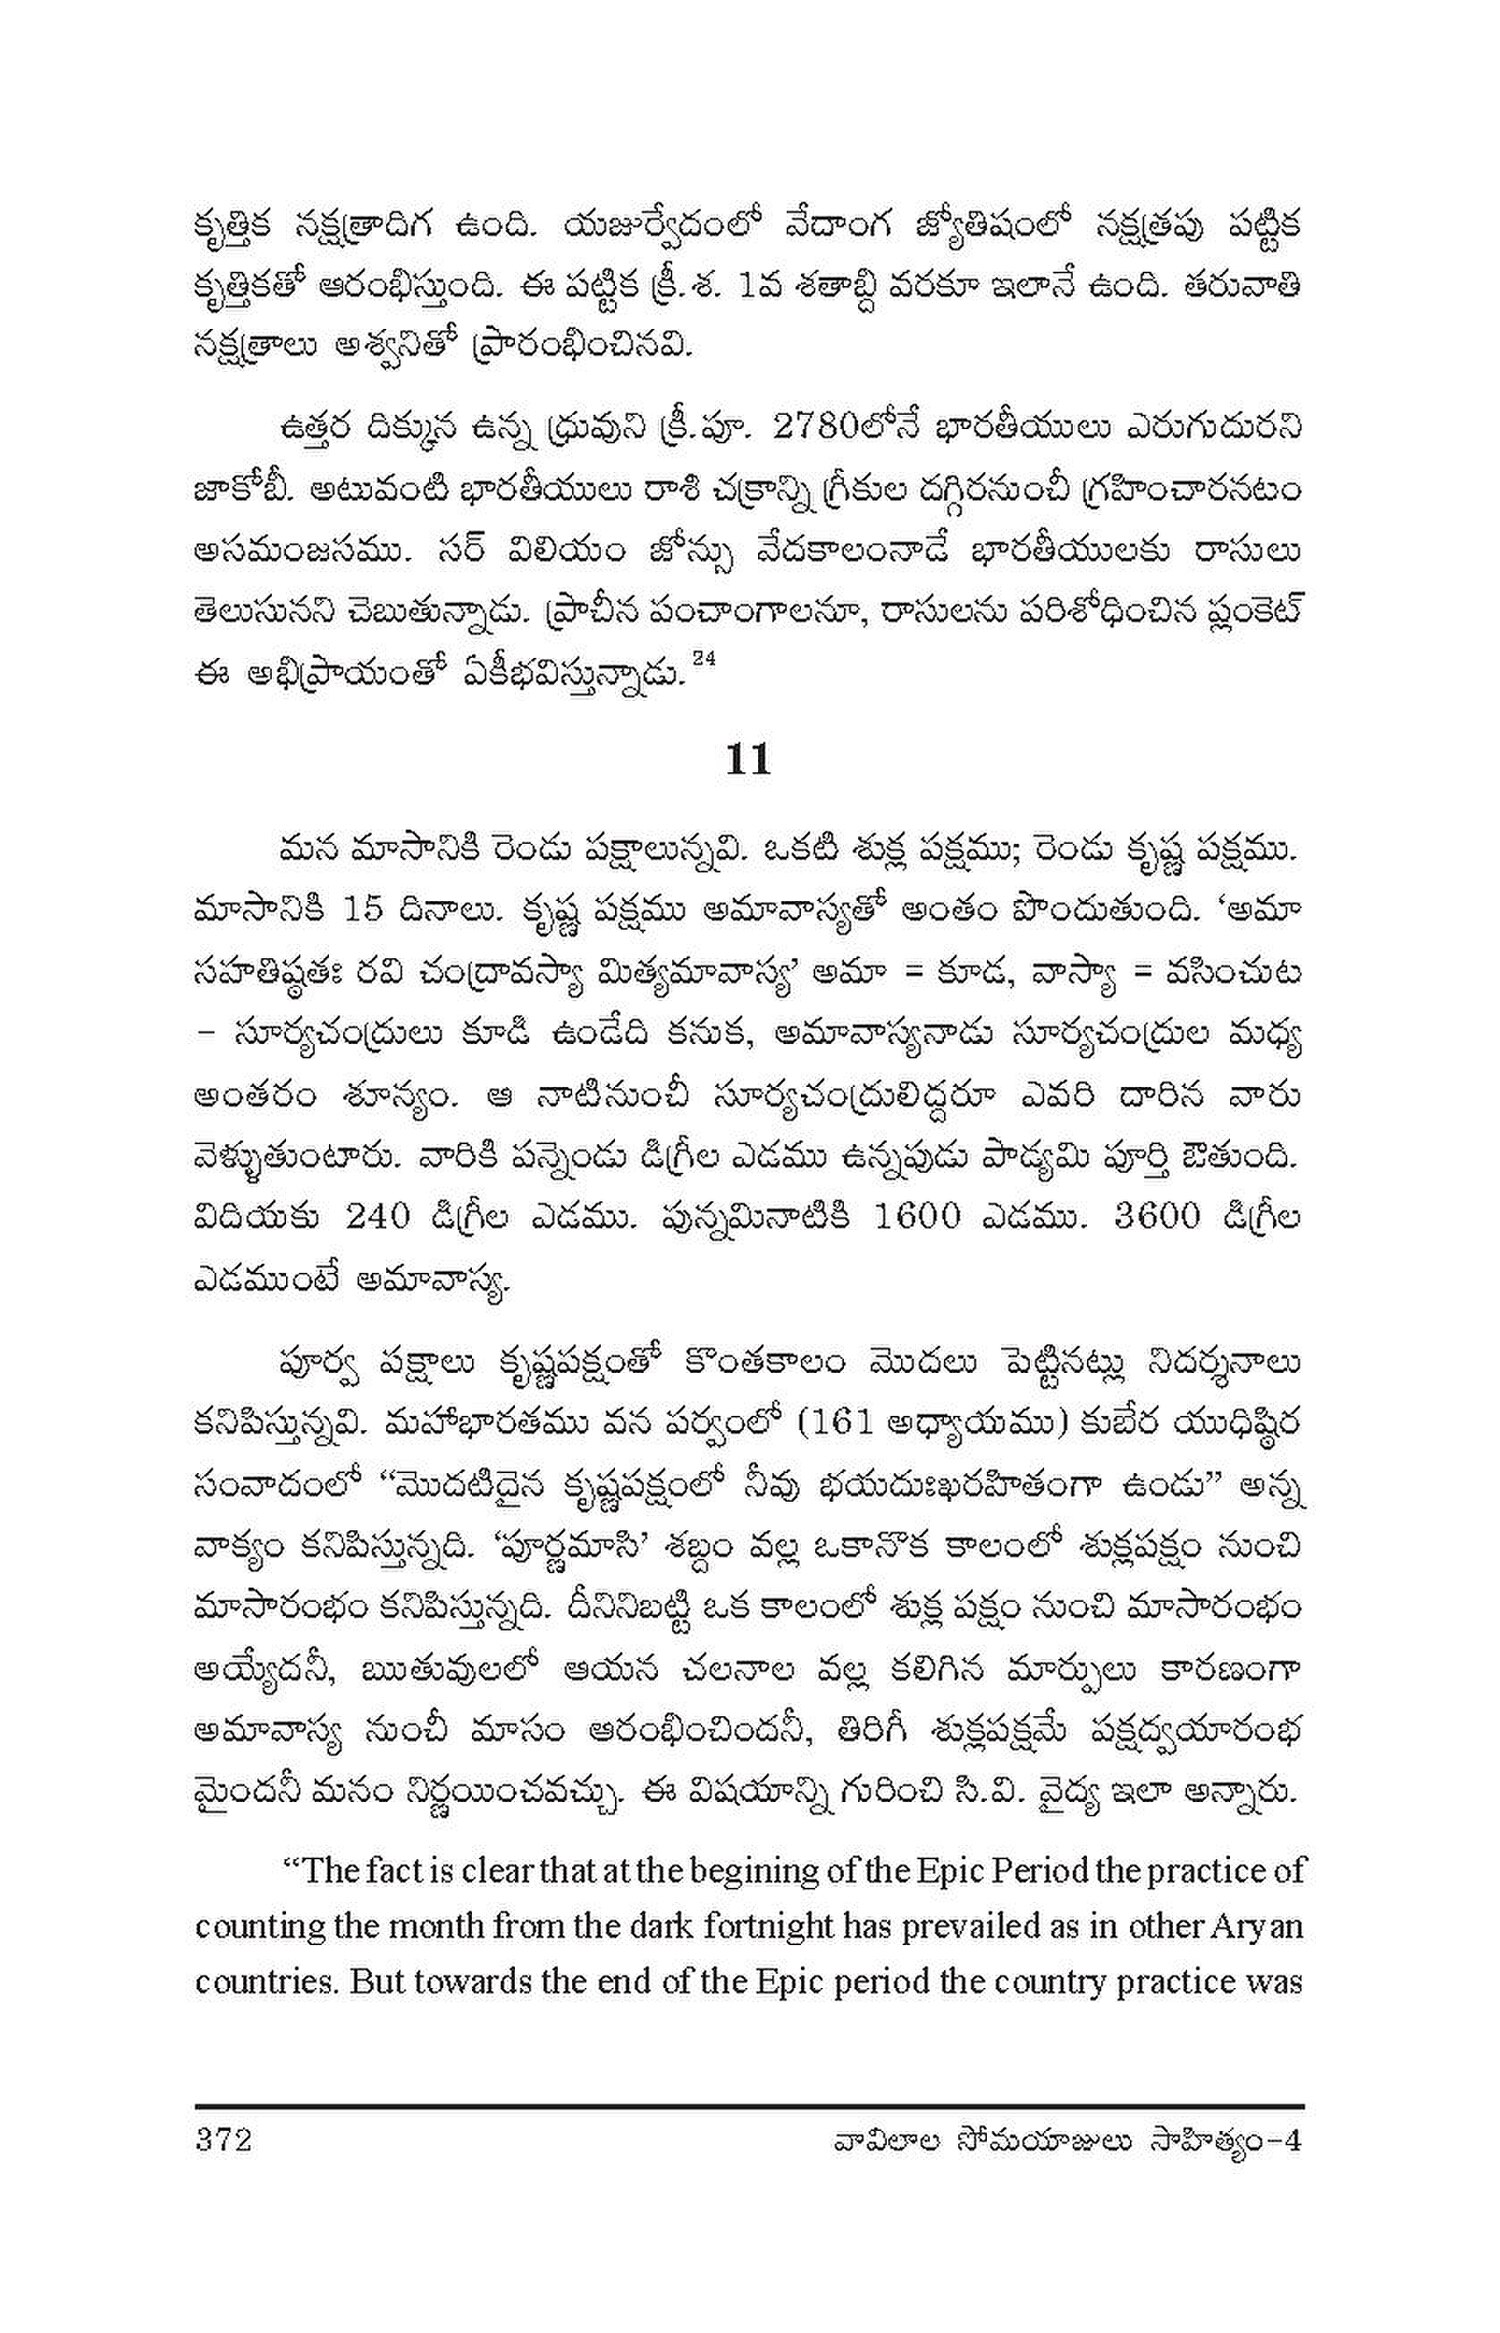కృత్తిక నక్షత్రాదిగ ఉంది. యజుర్వేదంలో వేదాంగ జ్యోతిషంలో నక్షత్రపు పట్టిక
కృత్తికతో ఆరంభిస్తుంది. ఈ పట్టిక క్రీ.శ. 1వ శతాబ్ది వరకూ ఇలానే ఉంది. తరువాతి
నక్షత్రాలు అశ్వనితో ప్రారంభించినవి.

ఉత్తర దిక్కున ఉన్న ధ్రువుని క్రీ.పూ. 2780లోనే భారతీయులు ఎరుగుదురని
జాకోబీ. అటువంటి భారతీయులు రాశి చక్రాన్ని గ్రీకుల దగ్గరనుంచీ గ్రహించారనటం
అసమంజసము. సర్ విలియం జోన్సు వేదకాలంనాడే భారతీయులకు రాసులు
తెలుసునని చెబుతున్నాడు. ప్రాచీన పంచాంగాలనూ, రాసులను పరిశోధించిన ప్లంకెట్
ఈ అభిప్రాయంతో ఏకీభవిస్తున్నాడు.

మన మాసానికి రెండు పక్షాలున్నవి. ఒకటి శుక్ల పక్షము; రెండు కృష్ణ పక్షము.
మాసానికి 15 దినాలు. కృష్ణ పక్షము అమావాస్యతో అంతం పొందుతుంది. 'అమా
సహతిష్ఠతః రవి చంద్రావస్యా మిత్యమావాస్య' అమా = కూడ, వాస్యా = వసించుట
సూర్యచంద్రులు కూడి ఉండేది కనుక, అమావాస్యనాడు సూర్యచంద్రుల మధ్య
అంతరం శూన్యం. ఆ నాటినుంచీ సూర్యచంద్రులిద్దరూ ఎవరి దారిన వారు
వెళ్ళుతుంటారు. వారికి పన్నెండు డిగ్రీల ఎడము ఉన్నపుడు పాడ్యమి పూర్తి ఔతుంది.
విదియకు 240 డిగ్రీల ఎడము. పున్నమినాటికి 1600 ఎడము. 3600 డిగ్రీల
ఎడముంటే అమావాస్య.

పూర్వ పక్షాలు కృష్ణపక్షంతో కొంతకాలం మొదలు పెట్టినట్లు నిదర్శనాలు
కనిపిస్తున్నవి. మహాభారతము వన పర్వంలో (161 అధ్యాయము) కుబేర యుధిష్ఠిర
సంవాదంలో "మొదటిదైన కృష్ణపక్షంలో నీవు భయదుఃఖరహితంగా ఉండు" అన్న
వాక్యం కనిపిస్తున్నది. 'పూర్ణమాసి' శబ్దం వల్ల ఒకానొక కాలంలో శుక్లపక్షం నుంచి
మాసారంభం కనిపిస్తున్నది. దీనినిబట్టి ఒక కాలంలో శుక్ల పక్షం నుంచి మాసారంభం
అయ్యేదనీ, ఋతువులలో ఆయన చలనాల వల్ల కలిగిన మార్పులు కారణంగా
అమావాస్య నుంచీ మాసం ఆరంభించిందనీ, తిరిగీ శుక్లపక్షమే పక్షద్వయారంభ
మైందనీ మనం నిర్ణయించవచ్చు. ఈ విషయాన్ని గురించి సి.వి. వైద్య ఇలా అన్నారు.

"The fact is clear that at the begining of the Epic Period the practice of
counting the month from the dark fortnight has prevailed as in other Ary an
countries. But towards the end of the Epic period the country practice was